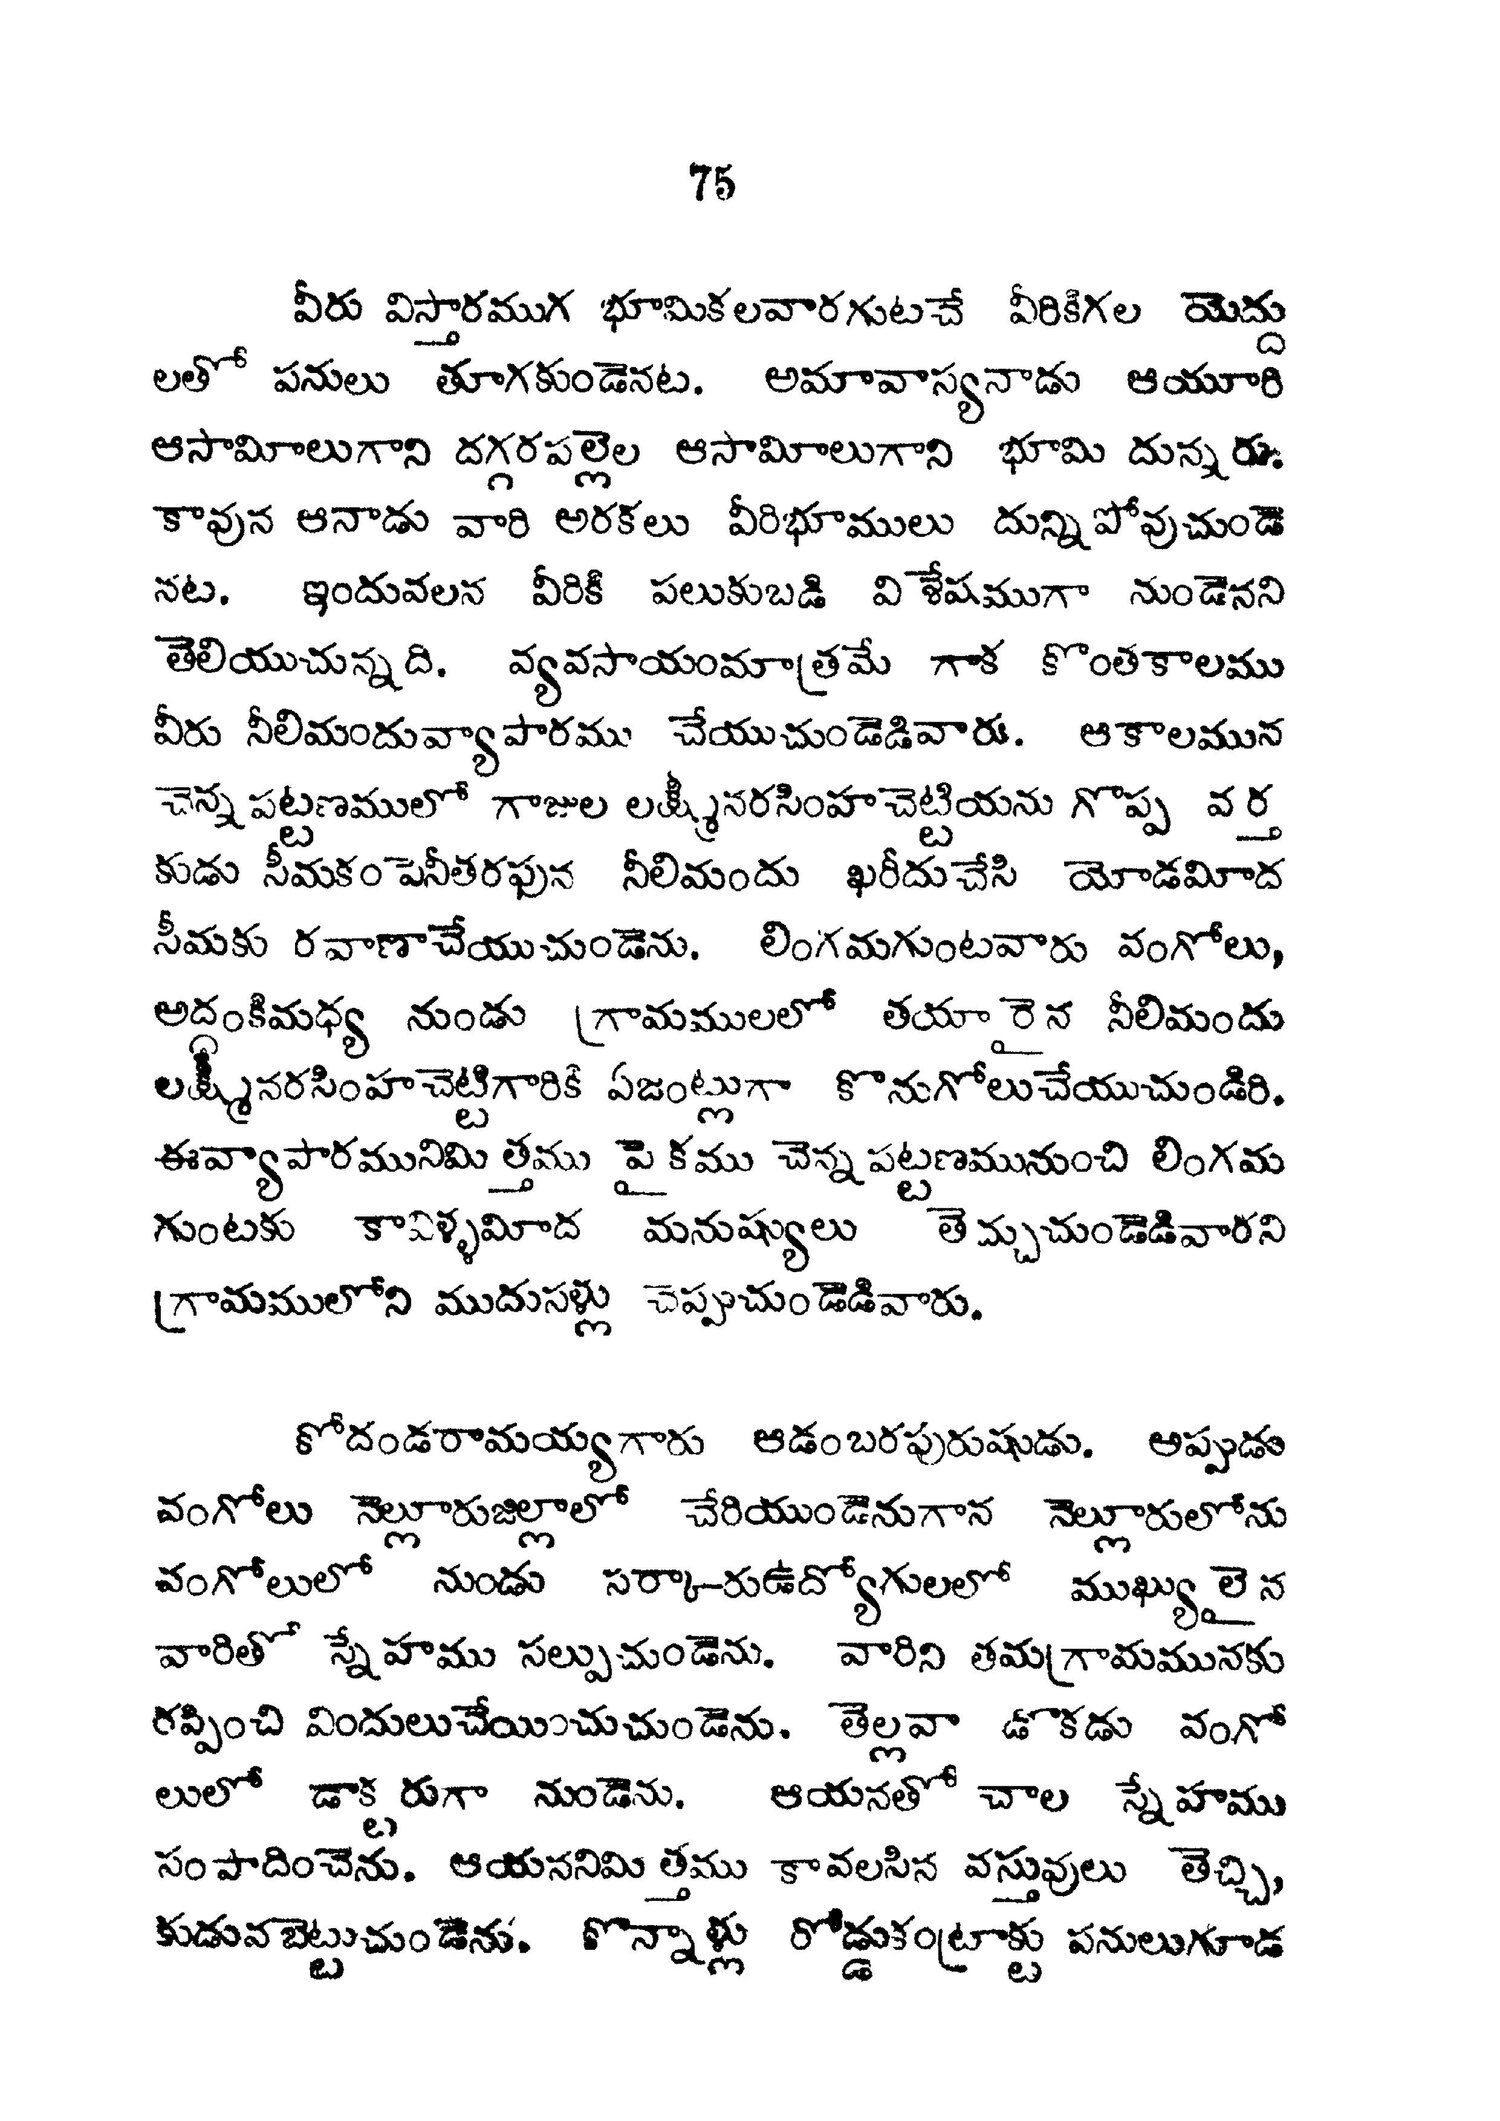వీరు విస్తారముగ భూమికలవారగుటచే వీరికిగల యెద్దులతో పనులు తూగకుండెనట. అమావాస్యనాడు ఆయూరి ఆసామీలుగాని దగ్గరపల్లెల ఆసామీలుగాని భూమిదున్నరు. కావున ఆనాడు వారి అరకలు వీరిభూములు దున్నిపోవుచుండెనట. ఇందువలన వీరికి పలుకుబడి విశేషముగా నుండెనని తెలియుచున్నది. వ్యవసాయంమాత్రమే గాక కొంతకాలము వీరు నీలిమందువ్యాపారము చేయుచుండెడివారు. ఆకాలమున చెన్నపట్టణములో గాజుల లక్ష్మీనరసింగచెట్టియను గొప్ప వర్తకుడు సీమకంపెనీతరపున నీలిమందు ఖరీదుచేసి యోడమీద సీమకు రవాణాచేయుచుండెను. లింగమగుంటవారు వంగోలు, అద్దంకిమధ్య నుండు గ్రామములలో తయారైన నీలిమందు లక్ష్మీనరసింహచెట్టిగారికి ఏజంట్లుగా కొనుగోలుచేయుచుండిరి. ఈవ్యాపారమునిమిత్తము పైకము చెన్నపట్టణమునుంచి లింగమగుంటకు కావిళ్ళమీద మనుష్యులు తెచ్చుచుండెడివారని గ్రామములోని ముదుసళ్లు చెప్పుచుండెడివారు.

కోదండరామయ్యగారు ఆడంబరపురుషుడు. అప్పుడు వంగోలు నెల్లూరుజిల్లాలో చేరియుండెనుగాన నెల్లూరులోను వంగోలులో నుండు సర్కారుఉద్యోగులలో ముఖ్యులైన వారితో స్నేహము సల్పుచుండెను. వారిని తమగ్రామమునకు రప్పించి విందులుచేయించుచుండెను. తెల్లవా డొకడు వంగోలులో డాక్టరుగా నుండెను. ఆయనతో చాల స్నేహము సంపాదించెను. ఆయననిమిత్తము కావలసిన వస్తువులు తెచ్చి, కుడువబెట్టుచుండెను. కొన్నాళ్లు రోడ్డుకంట్రాక్టు పనులుగూడ